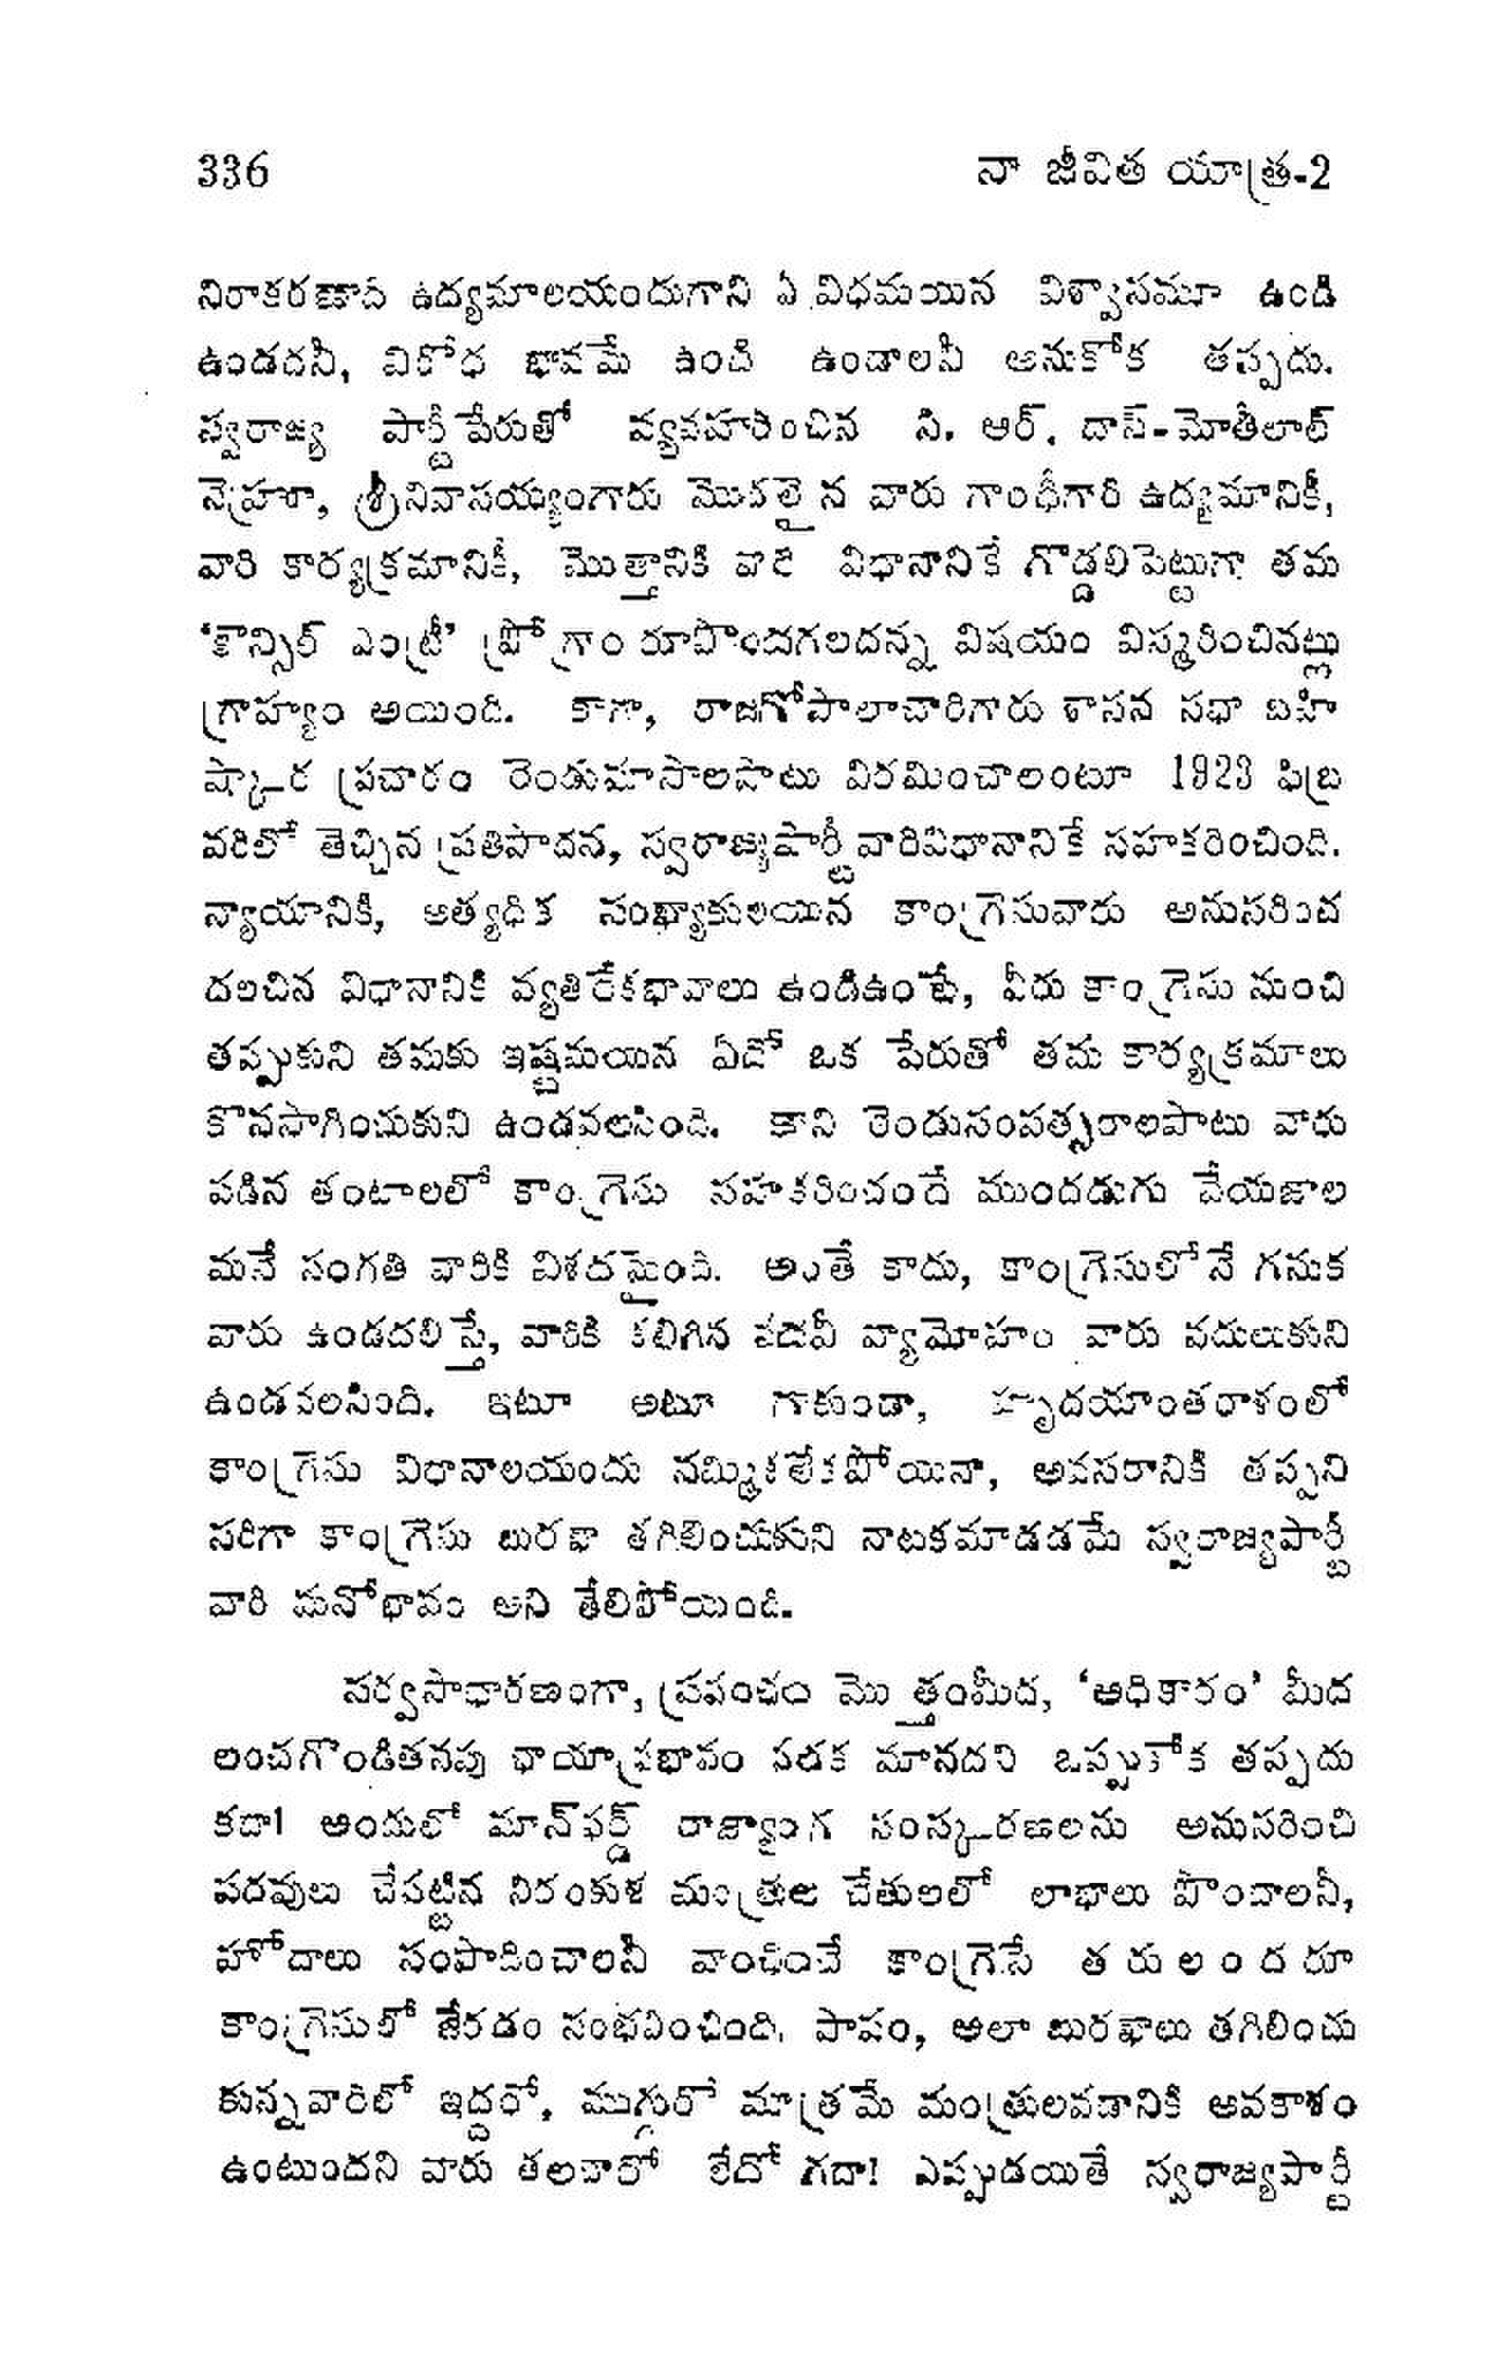నిరాకరణాదీ ఉద్యమాలయందుగాని ఏ విధమయిన విశ్వాసమూ ఉండి ఉండదనీ, విరోధ భావమే ఉండి ఉండాలనీ అనుకోక తప్పదు. స్వరాజ్య పార్టీపేరుతో వ్యవహరించిన సి. ఆర్. దాస్-మోతిలాల్ నెహ్రూ, శ్రీనివాసయ్యంగారు మొదలైన వారు గాంధీగారి ఉద్యమానికీ, వారి కార్యక్రమానికీ, మొత్తానికి వారి విధానానికే గొడ్డలిపెట్టుగా తమ "కౌన్సిల్ ఎంట్రీ" ప్రోగ్రాం రూపొందగలదన్న విషయం విస్మరించినట్లు గ్రాహ్యం అయింది. కాగా, రాజగోపాలాచారిగారు శాసన సభా బహిష్కార ప్రచారం రెండుమాసాలపాటు విరమించాలంటూ 1923 ఫిబ్రవరిలో తెచ్చిన ప్రతిపాదన, స్వరాజ్యపార్టీ వారివిధానానికే సహకరించింది. న్యాయానికి, అత్యధిక సంఖ్యాకులయిన కాంగ్రెసువారు అనుసరించ దలచిన విధానానికి వ్యతిరేకభావాలు ఉండిఉంటే, వీరు కాంగ్రెసు నుంచి తప్పుకుని తమకు ఇష్టమయిన ఏదో ఒక పేరుతో తమ కార్యక్రమాలు కొనసాగించుకుని ఉండవలసింది. కాని రెండు సంవత్సరాలపాటు వారు పడిన తంటాలలో కాంగ్రెసు సహకరించందే ముందడుగు వేయజాలమనే సంగతి వారికి విశదమైంది. అంతే కాదు, కాంగ్రెసులోనే గనుక వారు ఉండదలిస్తే, వారికి కలిగిన పదవీ వ్యామోహం వారు వదలుకుని ఉండవలసింది. ఇటూ అటూ గాకుండా, హృదయాంతరాళంలో కాంగ్రెసు విధానాలయందు నమ్మికలేకపోయినా, అవసరానికి తప్పని సరిగా కాంగ్రెసు బురఖా తగిలించుకుని నాటకమాడడమే స్వరాజ్యపార్టీ వారి మనోభావం అని తేలిపోయింది.

సర్వసాధారణంగా, ప్రపంచం మొత్తంమీద, "అధికారం" మీద లంచగొండితనపు ఛాయాప్రభావం పడక మానదని ఒప్పుకోక తప్పదు కదా! అందులో మాన్‌ఫర్డ్ రాజ్యాంగ సంస్కరణలను అనుసరించి పదవులు చేపట్టిన నిరంకుశ మంత్రుల చేతులలో లాభాలు పొందాలనీ, హోదాలు సంపాదించాలనీ వాంఛించే కాంగ్రెసే తరులందరూ కాంగ్రెసులో జేరడం సంభవించింది. పాపం, అలా బురఖాలు తగిలించుకున్నవారిలో ఇద్దరో, ముగ్గురో మాత్రమే మంత్రులవడానికి అవకాశం ఉంటుందని వారు తలచారో లేదో గదా! ఎప్పుడయితే స్వరాజ్యపార్టీ